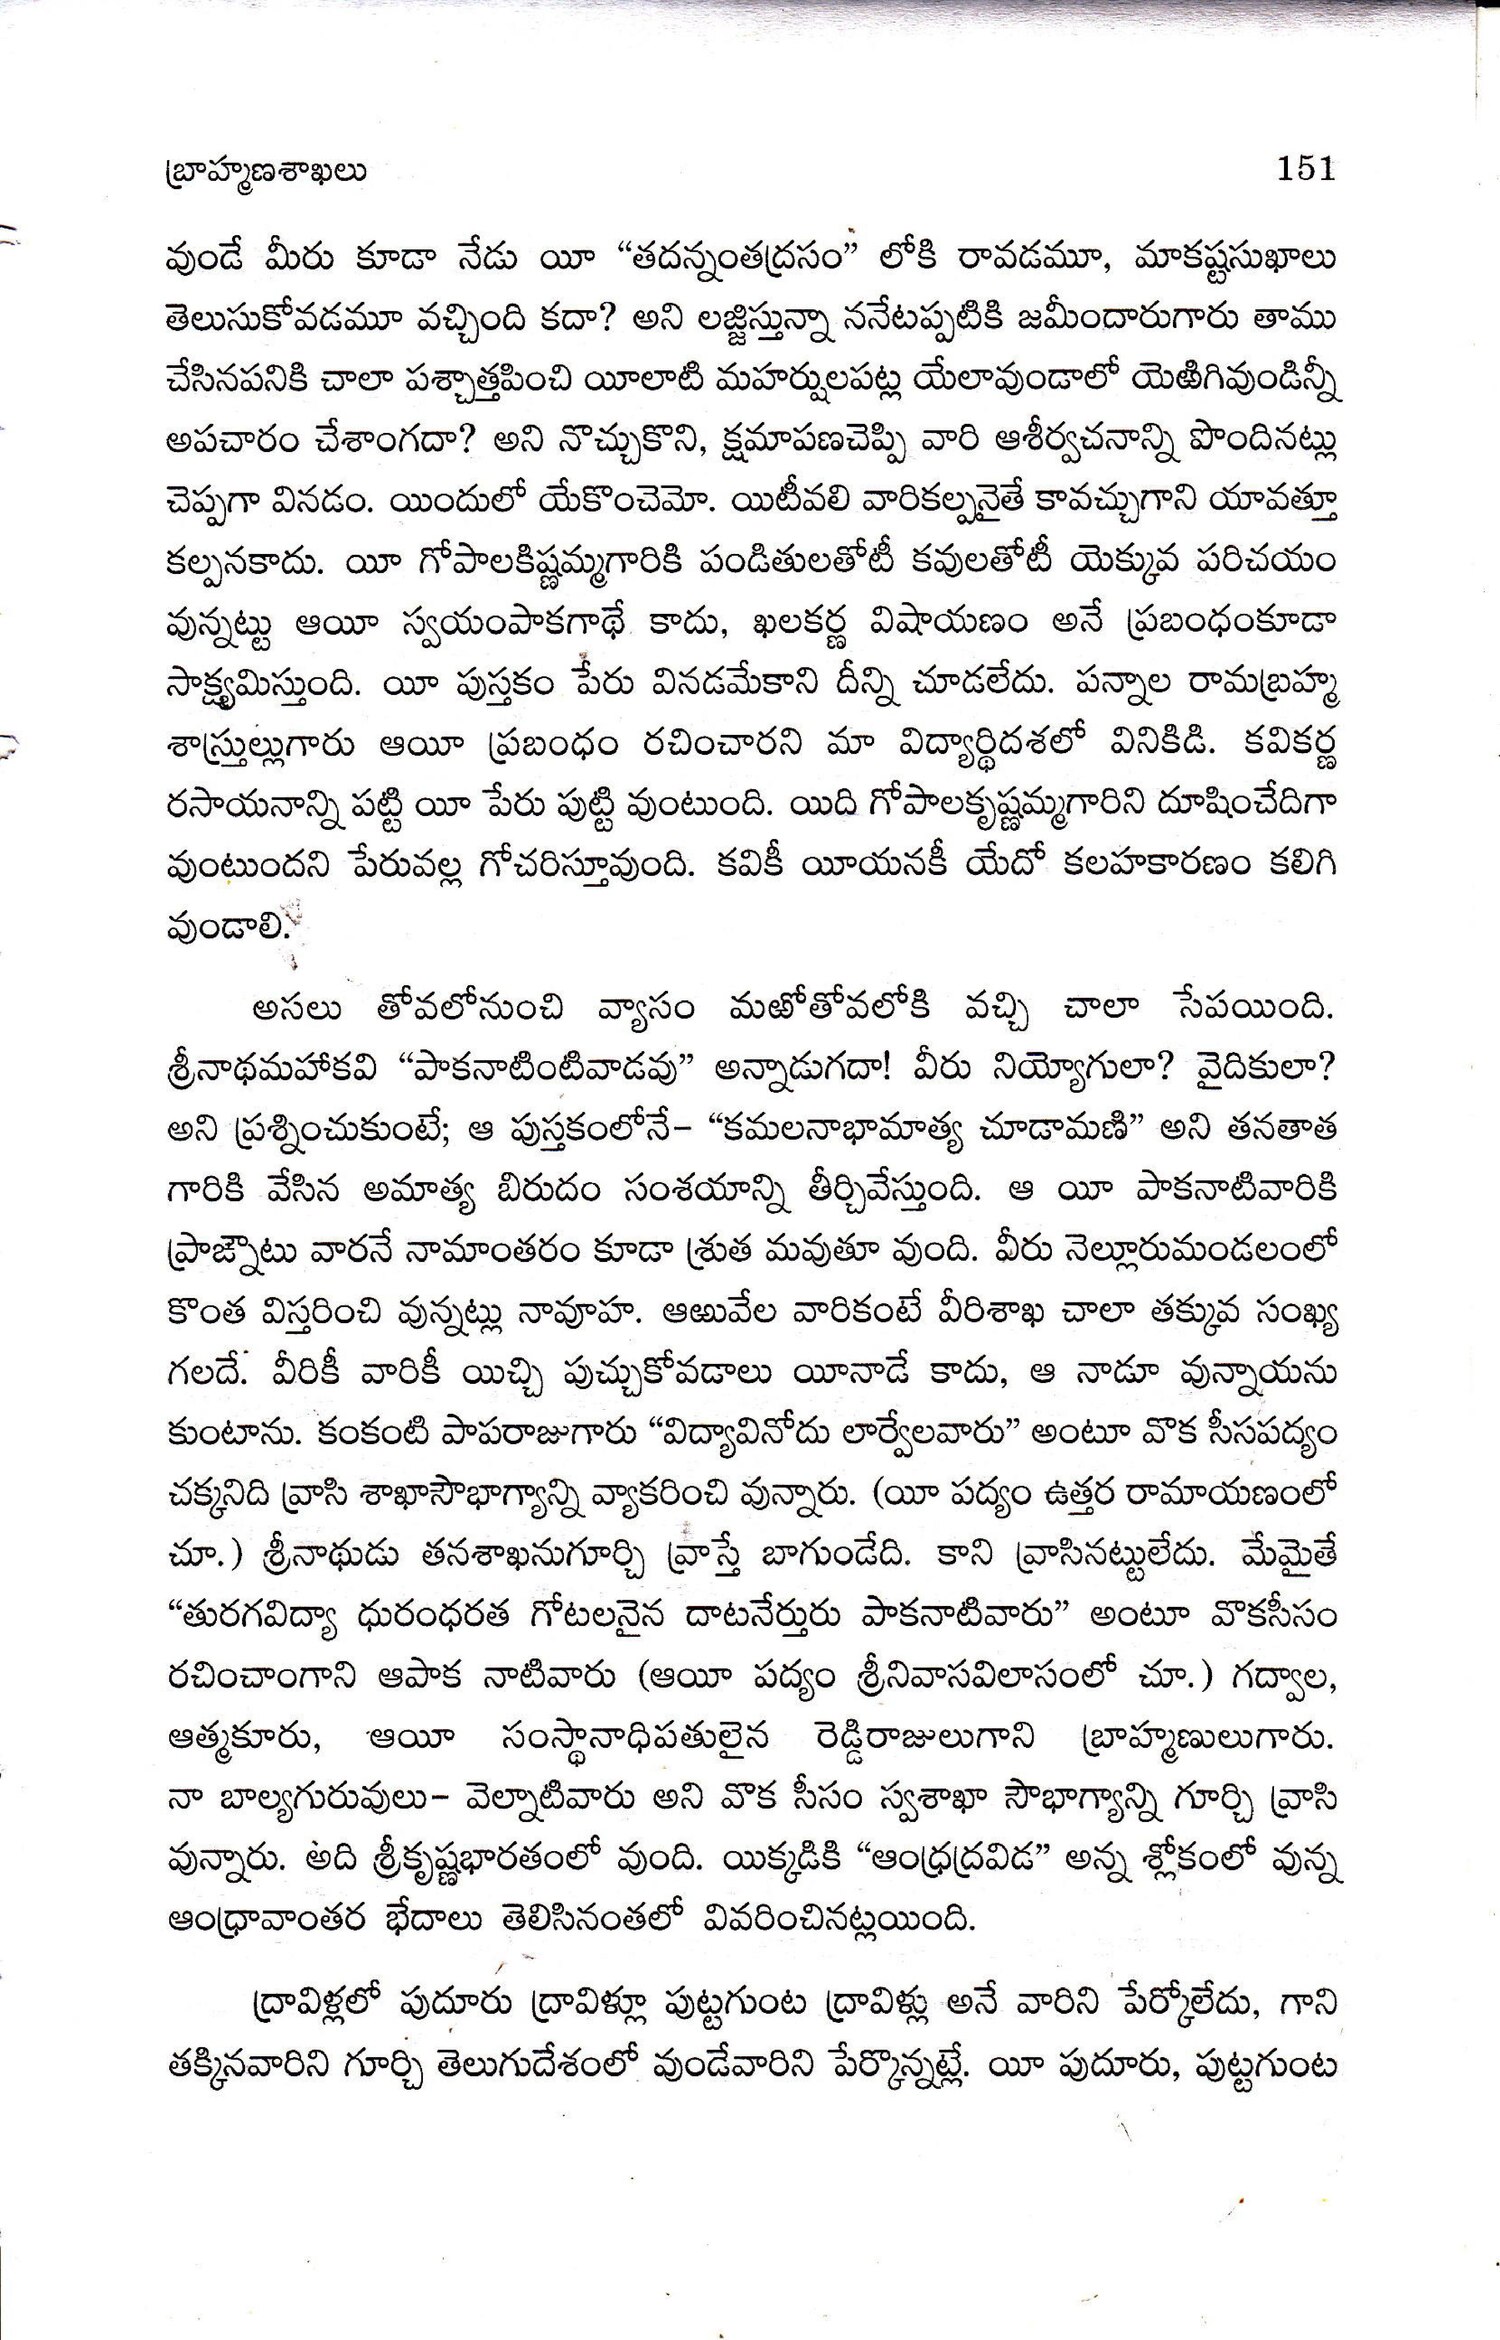వుండే మీరు కూడా నేడు యీ “తదన్నంతద్రసం" లోకి రావడమూ, మాకష్టసుఖాలు తెలుసుకోవడమూ వచ్చింది కదా? అని లజ్జిస్తున్నా ననేటప్పటికి జమీందారుగారు తాము చేసినపనికి చాలా పశ్చాత్తపించి యీలాటి మహర్షులపట్ల యేలావుండాలో యెఱిగివుండిన్నీ అపచారం చేశాంగదా? అని నొచ్చుకొని, క్షమాపణచెప్పి వారి ఆశీర్వచనాన్ని పొందినట్లు చెప్పగా వినడం. యిందులో యేకొంచెమో. యిటీవలి వారికల్పనైతే కావచ్చుగాని యావత్తూ కల్పనకాదు. యీ గోపాలకిష్టమ్మగారికి పండితులతోటీ కవులతోటీ యొక్కువ పరిచయం వున్నట్టు ఆయీ స్వయంపాకగాథే కాదు, ఖలకర్ణ విషాయణం అనే ప్రబంధంకూడా సాక్ష్యమిస్తుంది. యీ పుస్తకం పేరు వినడమేకాని దీన్ని చూడలేదు. పన్నాల రామబ్రహ్మ శాస్త్రుల్లుగారు ఆయీ ప్రబంధం రచించారని మా విద్యార్థిదశలో వినికిడి. కవికర్ణ రసాయనాన్ని పట్టి యీ పేరు పుట్టి వుంటుంది. యిది గోపాలకృష్ణమ్మగారిని దూషించేదిగా వుంటుందని పేరువల్ల గోచరిస్తూవుంది. కవికీ యీయనకీ యేదో కలహకారణం కలిగి వుండాలి.

అసలు తోవలోనుంచి వ్యాసం మఱోతోవలోకి వచ్చి చాలా సేపయింది. శ్రీనాథమహాకవి “పాకనాటింటివాడవు" అన్నాడుగదా! వీరు నియ్యోగులా? వైదికులా? అని ప్రశ్నించుకుంటే, ఆ పుస్తకంలోనే- "కమలనాభామాత్య చూడామణి" అని తనతాత గారికి వేసిన అమాత్య బిరుదం సంశయాన్ని తీర్చివేస్తుంది. ఆ యీ పాకనాటివారికి ప్రాఙ్నౌటు వారనే నామాంతరం కూడా శ్రుత మవుతూ వుంది. వీరు నెల్లూరుమండలంలో కొంత విస్తరించి వున్నట్లు నావూహ. ఆఱువేల వారికంటే వీరిశాఖ చాలా తక్కువ సంఖ్య గలదే. వీరికీ వారికీ యిచ్చి పుచ్చుకోవడాలు యీనాడే కాదు, ఆ నాడూ వున్నాయను కుంటాను. కంకంటి పాపరాజుగారు “విద్యావినోదు లార్వేలవారు" అంటూ వొక సీసపద్యం చక్కనిది వ్రాసి శాఖాసౌభాగ్యాన్ని వ్యాకరించి వున్నారు. (యీ పద్యం ఉత్తర రామాయణంలో చూ.) శ్రీనాథుడు తనశాఖనుగూర్చి వ్రాస్తే బాగుండేది. కాని వ్రాసినట్టులేదు. మేమైతే “తురగవిద్యా ధురంధరత గోటలనైన దాటనేర్తురు పాకనాటివారు” అంటూ వొకసీసం రచించాంగాని ఆపాక నాటివారు (ఆయీ పద్యం శ్రీనివాసవిలాసంలో చూ.) గద్వాల, ఆత్మకూరు, ఆయీ సంస్థానాధిపతులైన రెడ్డిరాజులుగాని బ్రాహ్మణులుగారు. నా బాల్యగురువులు- వెల్నాటివారు అని వొక సీసం స్వశాఖా సౌభాగ్యాన్ని గూర్చి వ్రాసి వున్నారు. అది శ్రీకృష్ణభారతంలో వుంది. యిక్కడికి “ఆంధ్రద్రవిడ" అన్న శ్లోకంలో వున్న ఆంధ్రావాంతర భేదాలు తెలిసినంతలో వివరించినట్లయింది.

ద్రావిళ్లలో పుదూరు ద్రావిళ్లూ పుట్టగుంట ద్రావిళ్లు అనే వారిని పేర్కోలేదు, గాని తక్కినవారిని గూర్చి తెలుగుదేశంలో వుండేవారిని పేర్కొన్నట్లే, యీ పుదూరు, పుట్టగుంట